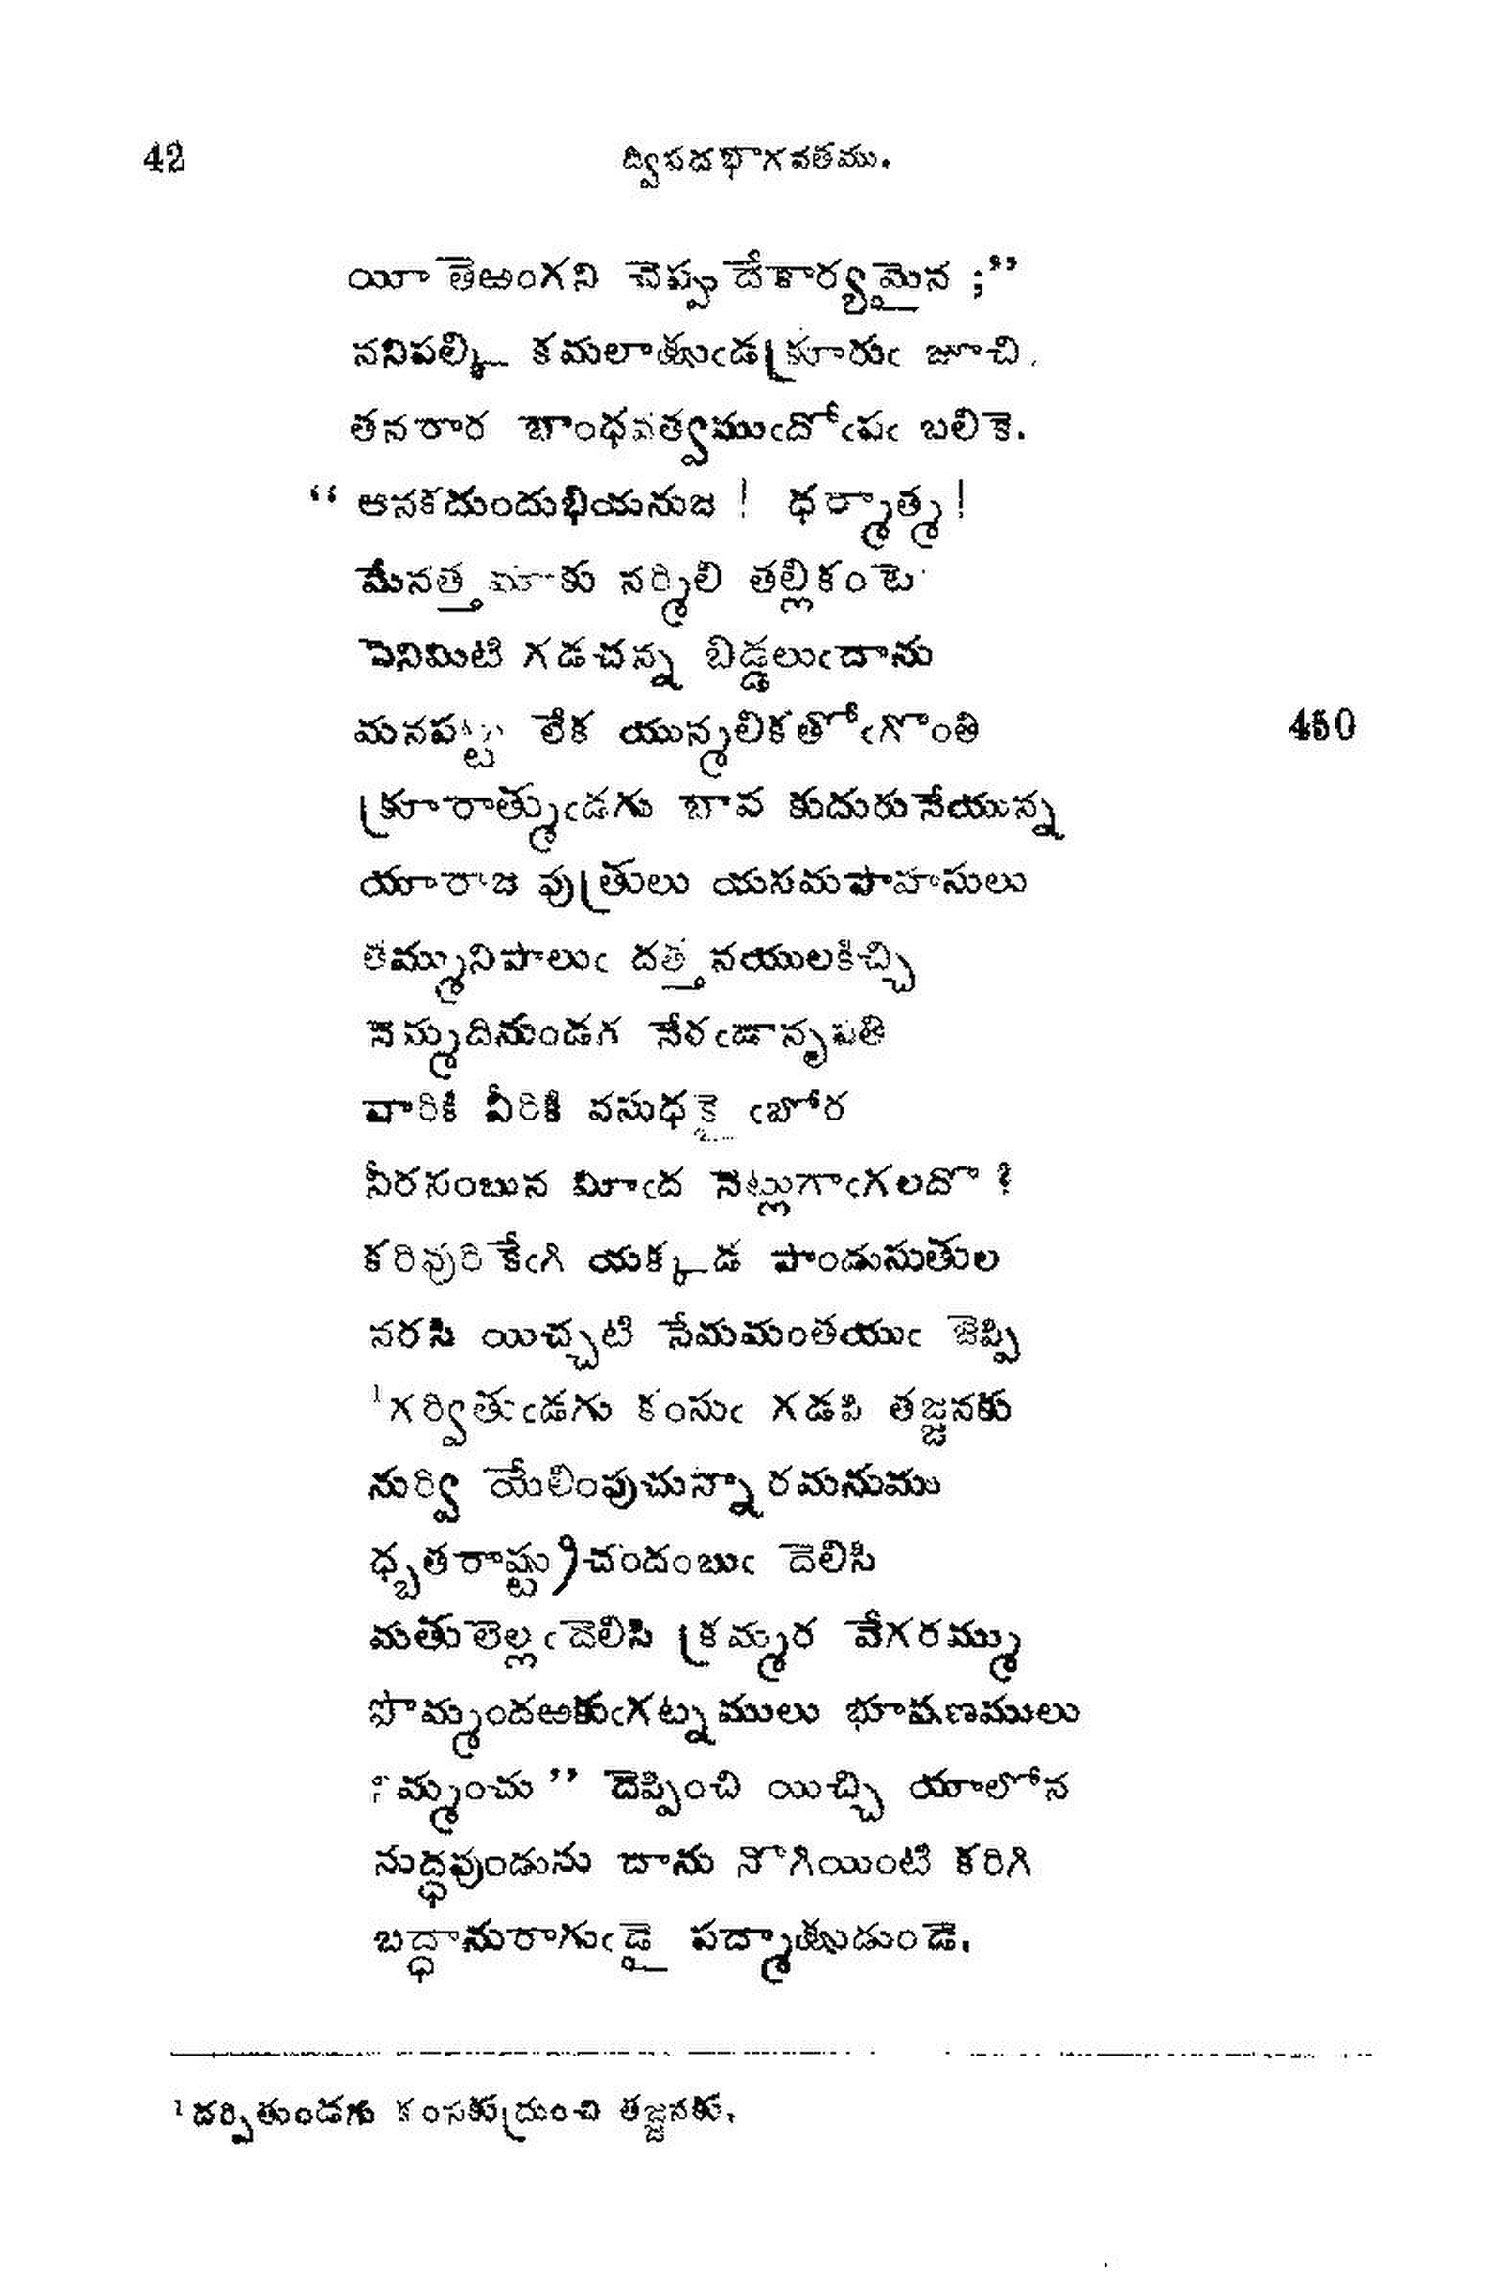యీతెఱంగని చెప్పు దేకార్యమైన;”
ననిపల్కి కమలాక్షుఁ డక్రూరుఁ జూచి,
తనరార బాంధవత్వముఁదోఁపఁ బలికె.
“ఆనకదుందుభియనుజ! ధర్మాత్మ!
మేనత్త మాకు నర్మిలి తల్లికంటె
పెనిమిటి గడచన్న బిడ్డలుఁ దాను
మనపట్టు లేక యున్మలికతోఁ గొంతి
క్రూరాత్ముఁడగు బావ కుదురునేయున్న
యారాజపుత్రులు యసమపాహసులు
తమ్మునిపాలుఁ దత్తనయుల కిచ్చి
నెమ్మదినుండగ నేరఁ డానృపతి
వారికి వీరికి వసుధకైఁ బోర
నీరసంబున మీఁద నెట్లు గాఁగలదొ?
కరివురి కేఁగి యక్కడ పాండుసుతుల
నరసి యిచ్చటి సేమమంతయుఁ జెప్పి
గర్వితుఁడగు కంసుఁ గడపి తజ్జనకు
నుర్వి యేలింపుచున్నారమనుము
ధృతరాష్ట్రుచందంబుఁ దెలిసి
మతులెల్లఁ దెలిసి క్రమ్మర వేగరమ్ము
పొ మ్మందఱకుఁ గట్నములు భూషణములు
నిమ్మంచు” చెప్పించి యిచ్చి యాలోన
నుద్ధవుండును దాను నొగియింటి కరిగి
బద్ధానురాగుఁడై పద్మాక్షుఁ డుండె.